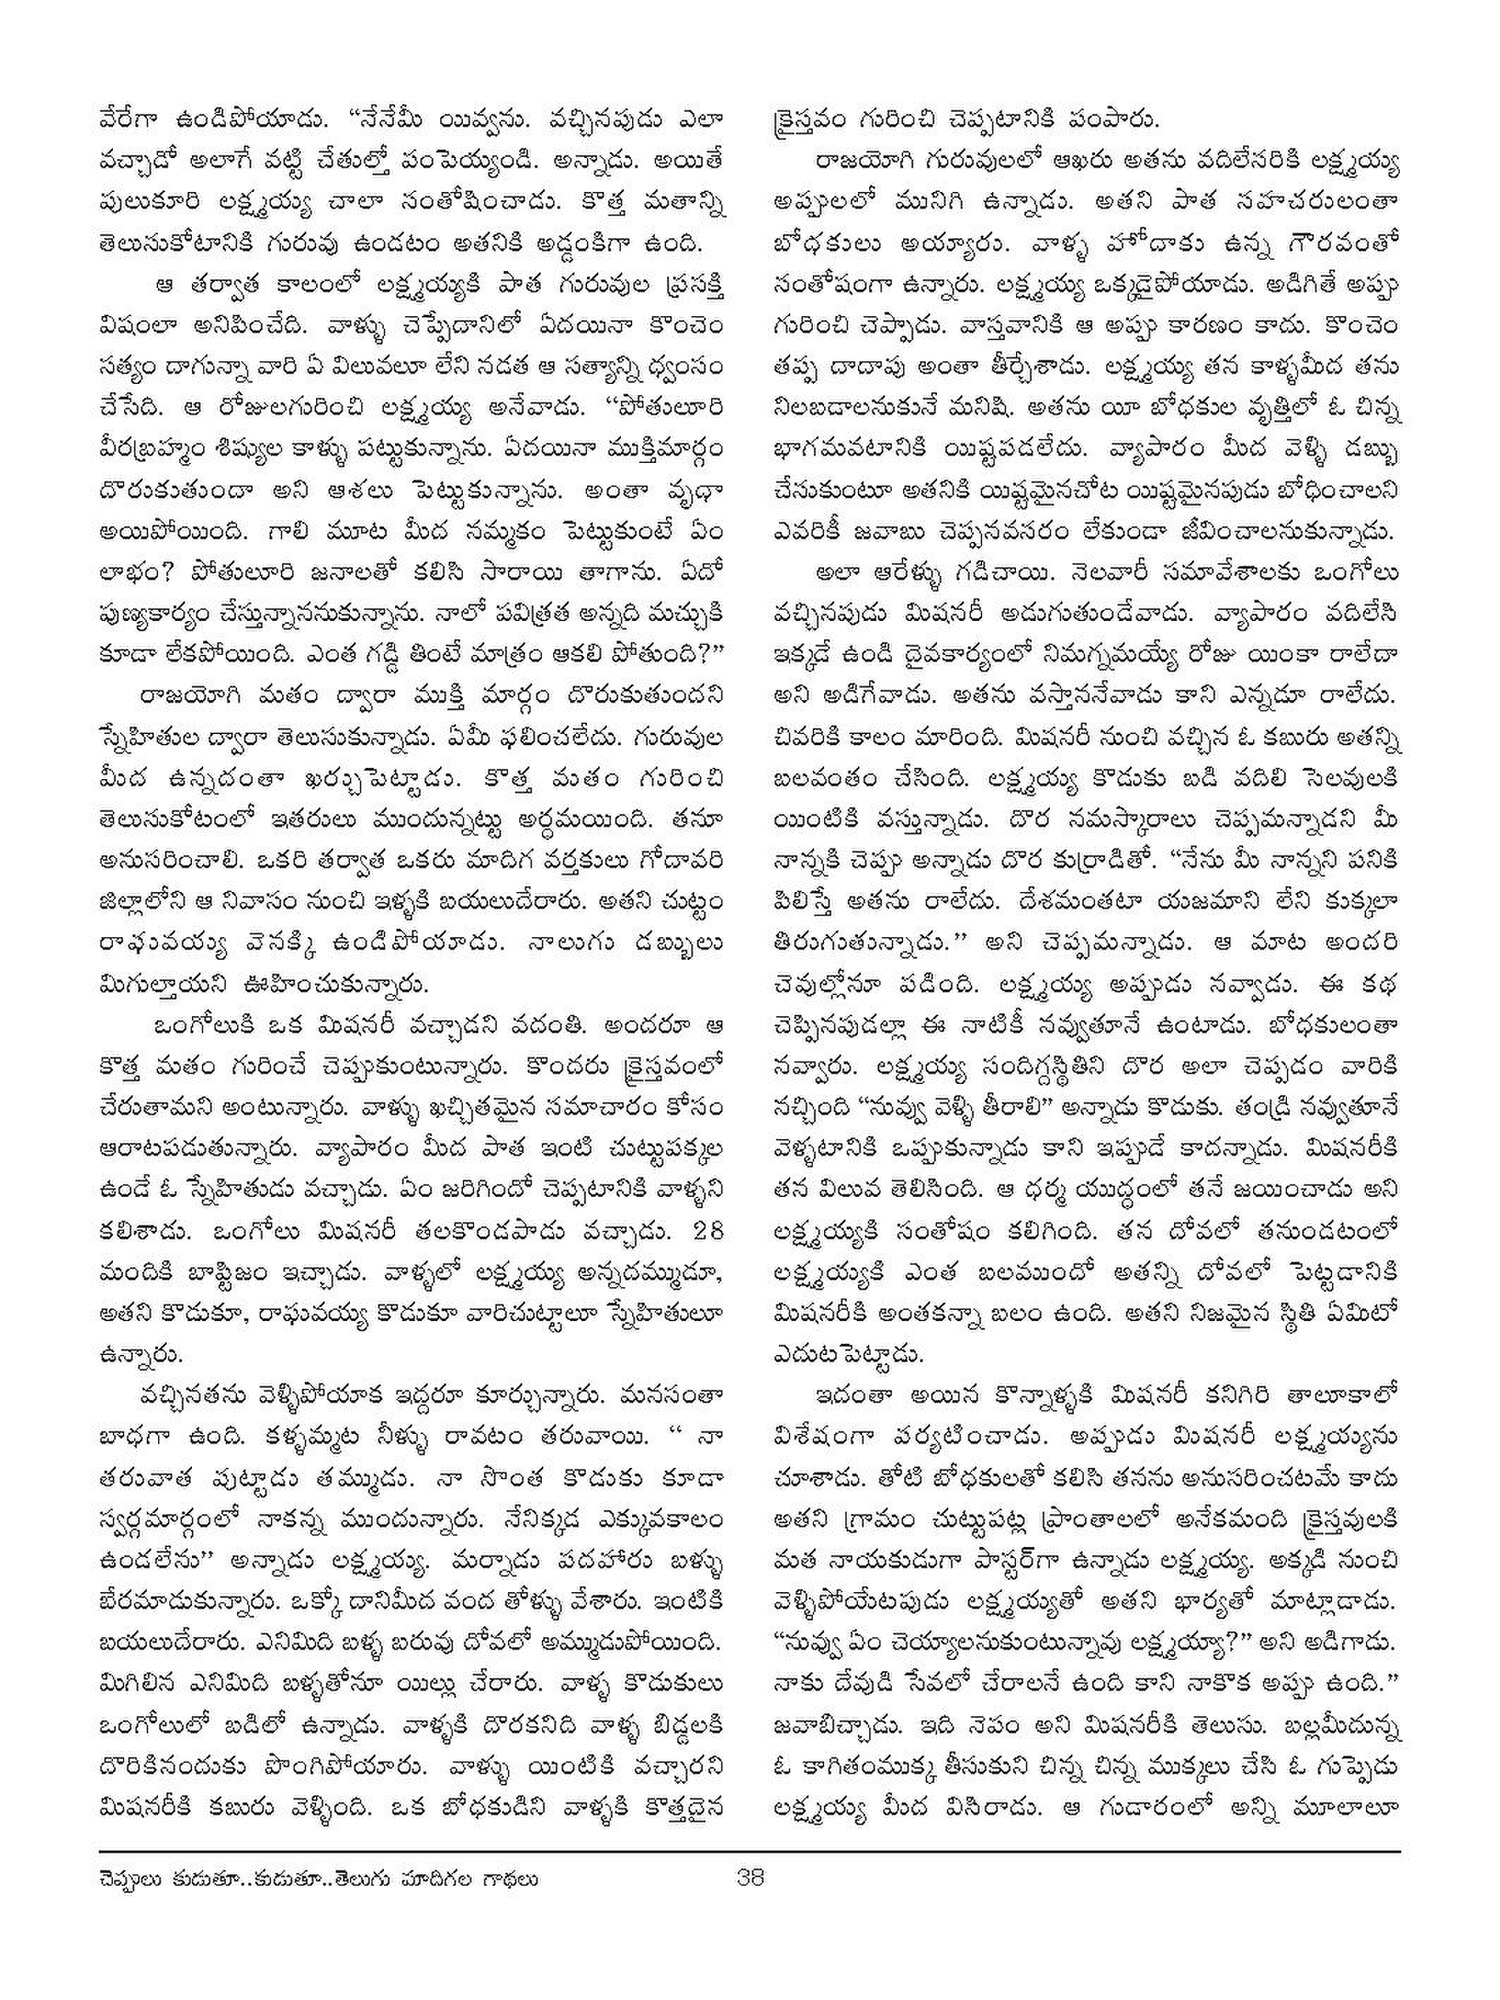వేరేగా ఉండిపోయాడు. "నేనేమీ యివ్వను. వచ్చినపుడు ఎలా
వచ్చాడో అలాగే వట్టి చేతుల్తో పంపెయ్యండి. అన్నాడు. అయితే
పులుకూరి లక్ష్మయ్య చాలా సంతోషించాడు. కొత్త మతాన్ని
తెలుసుకోటానికి గురువు ఉండటం అతనికి అడ్డంకిగా ఉంది.

ఆ తర్వాత కాలంలో లక్ష్మయ్యకి పాత గురువుల ప్రసక్తి
విషంలా అనిపించేది. వాళ్ళు చెప్పేదానిలో ఏదయినా కొంచెం
సత్యం దాగున్నా వారి ఏ విలువలూ లేని నడత ఆ సత్యాన్ని ధ్వంసం
చేసేది. ఆ రోజుల గురించి లక్ష్మయ్య అనేవాడు. “పోతులూరి
వీరబ్రహ్మం శిష్యుల కాళ్ళు పట్టుకున్నాను. ఏదయినా ముక్తిమార్గం
దొరుకుతుందా అని ఆశలు పెట్టుకున్నాను. అంతా వృధా
అయిపోయింది. గాలి మూట మీద నమ్మకం పెట్టుకుంటే ఏం
లాభం? పోతులూరి జనాలతో కలిసి సారాయి తాగాను. ఏదో
పుణ్యకార్యం చేస్తున్నాననుకున్నాను. నాలో పవిత్రత అన్నది మచ్చుకి
కూడా లేకపోయింది. ఎంత గడ్డి తింటే మాత్రం ఆకలి పోతుంది?”
రాజయోగి మతం ద్వారా ముక్తి మార్గం దొరుకుతుందని
స్నేహితుల ద్వారా తెలుసుకున్నాడు. ఏమీ ఫలించలేదు. గురువుల
మీద ఉన్నదంతా ఖర్చుపెట్టాడు. కొత్త మతం గురించి
తెలుసుకోటంలో ఇతరులు ముందున్నట్టు అర్ధమయింది. తనూ
అనుసరించాలి. ఒకరి తర్వాత ఒకరు మాదిగ వర్తకులు గోదావరి
జిల్లాలోని ఆ నివాసం నుంచి ఇళ్ళకి బయలుదేరారు. అతని చుట్టం
రామవయ్య వెనక్కి ఉండిపోయాడు. నాలుగు డబ్బులు
మిగుల్తాయని ఊహించుకున్నారు.

ఒంగోలుకి ఒక మిషనరీ వచ్చాడని వదంతి. అందరూ ఆ
కొత్త మతం గురించే చెప్పుకుంటున్నారు. కొందరు క్రైస్తవంలో
చేరుతామని అంటున్నారు. వాళ్ళు ఖచ్చితమైన సమాచారం కోసం
ఆరాటపడుతున్నారు. వ్యాపారం మీద పాత ఇంటి చుట్టుపక్కల
ఉండే ఓ స్నేహితుడు వచ్చాడు. ఏం జరిగిందో చెప్పటానికి వాళ్ళని
కలిశాడు. ఒంగోలు మిషనరీ తలకొండపాడు వచ్చాడు. 28
మందికి బాప్టిజం ఇచ్చాడు. వాళ్ళలో లక్ష్మయ్య అన్నదమ్ముడూ,
అతని కొడుకూ, రాఘవయ్య కొడుకూ వారిచుట్టాలూ స్నేహితులూ
ఉన్నారు.

వచ్చినతను వెళ్ళిపోయాక ఇద్దరూ కూర్చున్నారు. మనసంతా
బాధగా ఉంది. కళ్ళమ్మట నీళ్ళు రావటం తరువాయి.
తరువాత పుట్టాడు తమ్ముడు. నా సొంత కొడుకు కూడా
స్వర్గమార్గంలో నాకన్న ముందున్నారు. నేనిక్కడ ఎక్కువకాలం
ఉండలేను" అన్నాడు లక్ష్మయ్య. మర్నాడు పదహారు బళ్ళు
బేరమాడుకున్నారు. ఒక్కో దానిమీద వంద తోళ్ళు వేశారు. ఇంటికి
బయలుదేరారు. ఎనిమిది బళ్ళ బరువు దోవలో అమ్ముడుపోయింది.
మిగిలిన ఎనిమిది బళ్ళతోనూ యిల్లు చేరారు. వాళ్ళ కొడుకులు
ఒంగోలులో బడిలో ఉన్నాడు. వాళ్ళకి దొరకనిది వాళ్ళ బిడ్డలకి
దొరికినందుకు పొంగిపోయారు. వాళ్ళు యింటికి వచ్చారని
మిషనరీకి కబురు వెళ్ళింది. ఒక బోధకుడిని వాళ్ళకి కొత్తదైన
క్రైస్తవం గురించి చెప్పటానికి పంపారు.

రాజయోగి గురువులలో ఆఖరు అతను వదిలేసరికి లక్ష్మయ్య
అప్పులలో మునిగి ఉన్నాడు. అతని పాత సహచరులంతా
బోధకులు అయ్యారు. వాళ్ళ హోదాకు ఉన్న గౌరవంతో
సంతోషంగా ఉన్నారు. లక్ష్మయ్య ఒక్కడైపోయాడు. అడిగితే అప్పు
గురించి చెప్పాడు. వాస్తవానికి ఆ అప్పు కారణం కాదు. కొంచెం
తప్ప దాదాపు అంతా తీర్చేశాడు. లక్ష్మయ్య తన కాళ్ళమీద తను
నిలబడాలనుకునే మనిషి. అతను యీ బోధకుల వృత్తిలో ఓ చిన్న
భాగమవటానికి యిష్టపడలేదు. వ్యాపారం మీద వెళ్ళి డబ్బు
చేసుకుంటూ అతనికి యిష్టమైనచోట యిష్టమైనపుడు బోధించాలని
ఎవరికీ జవాబు చెప్పనవసరం లేకుండా జీవించాలనుకున్నాడు.

అలా ఆరేళ్ళు గడిచాయి. నెలవారీ సమావేశాలకు ఒంగోలు
వచ్చినపుడు మిషనరీ అడుగుతుండేవాడు. వ్యాపారం వదిలేసి
ఇక్కడే ఉండి దైవకార్యంలో నిమగ్నమయ్యే రోజు యింకా రాలేదా
అని అడిగేవాడు. అతను వస్తాననేవాడు కాని ఎన్నడూ రాలేదు.
చివరికి కాలం మారింది. మిషనరీ నుంచి వచ్చిన ఓ కబురు అతన్ని
బలవంతం చేసింది. లక్ష్మయ్య కొడుకు బడి వదిలి సెలవులకి
యింటికి వస్తున్నాడు. దొర నమస్కారాలు చెప్పమన్నాడని మీ
నాన్నకి చెప్పు అన్నాడు దొర కుర్రాడితో. “నేను మీ నాన్నని పనికి
పిలిస్తే అతను రాలేదు. దేశమంతటా యజమాని లేని కుక్కలా
తిరుగుతున్నాడు." అని చెప్పమన్నాడు. ఆ మాట అందరి
చెవుల్లోనూ పడింది. లక్ష్మయ్య అప్పుడు నవ్వాడు. ఈ కథ
చెప్పినపుడల్లా ఈ నాటికీ నవ్వుతూనే ఉంటాడు. బోధకులంతా
నవ్వారు. లక్ష్మయ్య సందిగ్ధస్థితిని దొర అలా చెప్పడం వారికి
నచ్చింది "నువ్వు వెళ్ళి తీరాలి" అన్నాడు కొడుకు. తండ్రి నవ్వుతూనే
వెళ్ళటానికి ఒప్పుకున్నాడు కాని ఇప్పుడే కాదన్నాడు. మిషనరీకి
తన విలువ తెలిసింది. ఆ ధర్మ యుద్ధంలో తనే జయించాడు అని
లక్ష్మయ్యకి సంతోషం కలిగింది. తన దోవలో తనుండటంలో
లక్ష్మయ్యకి ఎంత బలముందో అతన్ని దోవలో పెట్టడానికి
మిషనరీకి అంతకన్నా బలం ఉంది. అతని నిజమైన స్థితి ఏమిటో
ఎదుట పెట్టాడు.

ఇదంతా అయిన కొన్నాళ్ళకి మిషనరీ కనిగిరి తాలూకాలో
విశేషంగా పర్యటించాడు. అప్పుడు మిషనరీ లక్ష్మయ్యను
చూశాడు. తోటి బోధకులతో కలిసి తనను అనుసరించటమే కాదు
అతని గ్రామం చుట్టుపట్ల ప్రాంతాలలో అనేకమంది క్రైస్తవులకి
మత నాయకుడుగా పాస్టర్ గా ఉన్నాడు లక్ష్మయ్య. అక్కడి నుంచి
వెళ్ళిపోయేటపుడు లక్ష్మయ్యతో అతని భార్యతో మాట్లాడాడు.
"నువ్వు ఏం చెయ్యాలనుకుంటున్నావు లక్ష్మయ్యా?" అని అడిగాడు.
నాకు దేవుడి సేవలో చేరాలనే ఉంది కాని నాకొక అప్పు ఉంది.”
జవాబిచ్చాడు. ఇది నెపం అని మిషనరీకి తెలుసు. బల్లమీదున్న
ఓ కాగితంముక్క తీసుకుని చిన్న చిన్న ముక్కలు చేసి ఓ గుప్పెడు
లక్ష్మయ్య మీద విసిరాడు. ఆ గుడారంలో అన్ని మూలాలూ